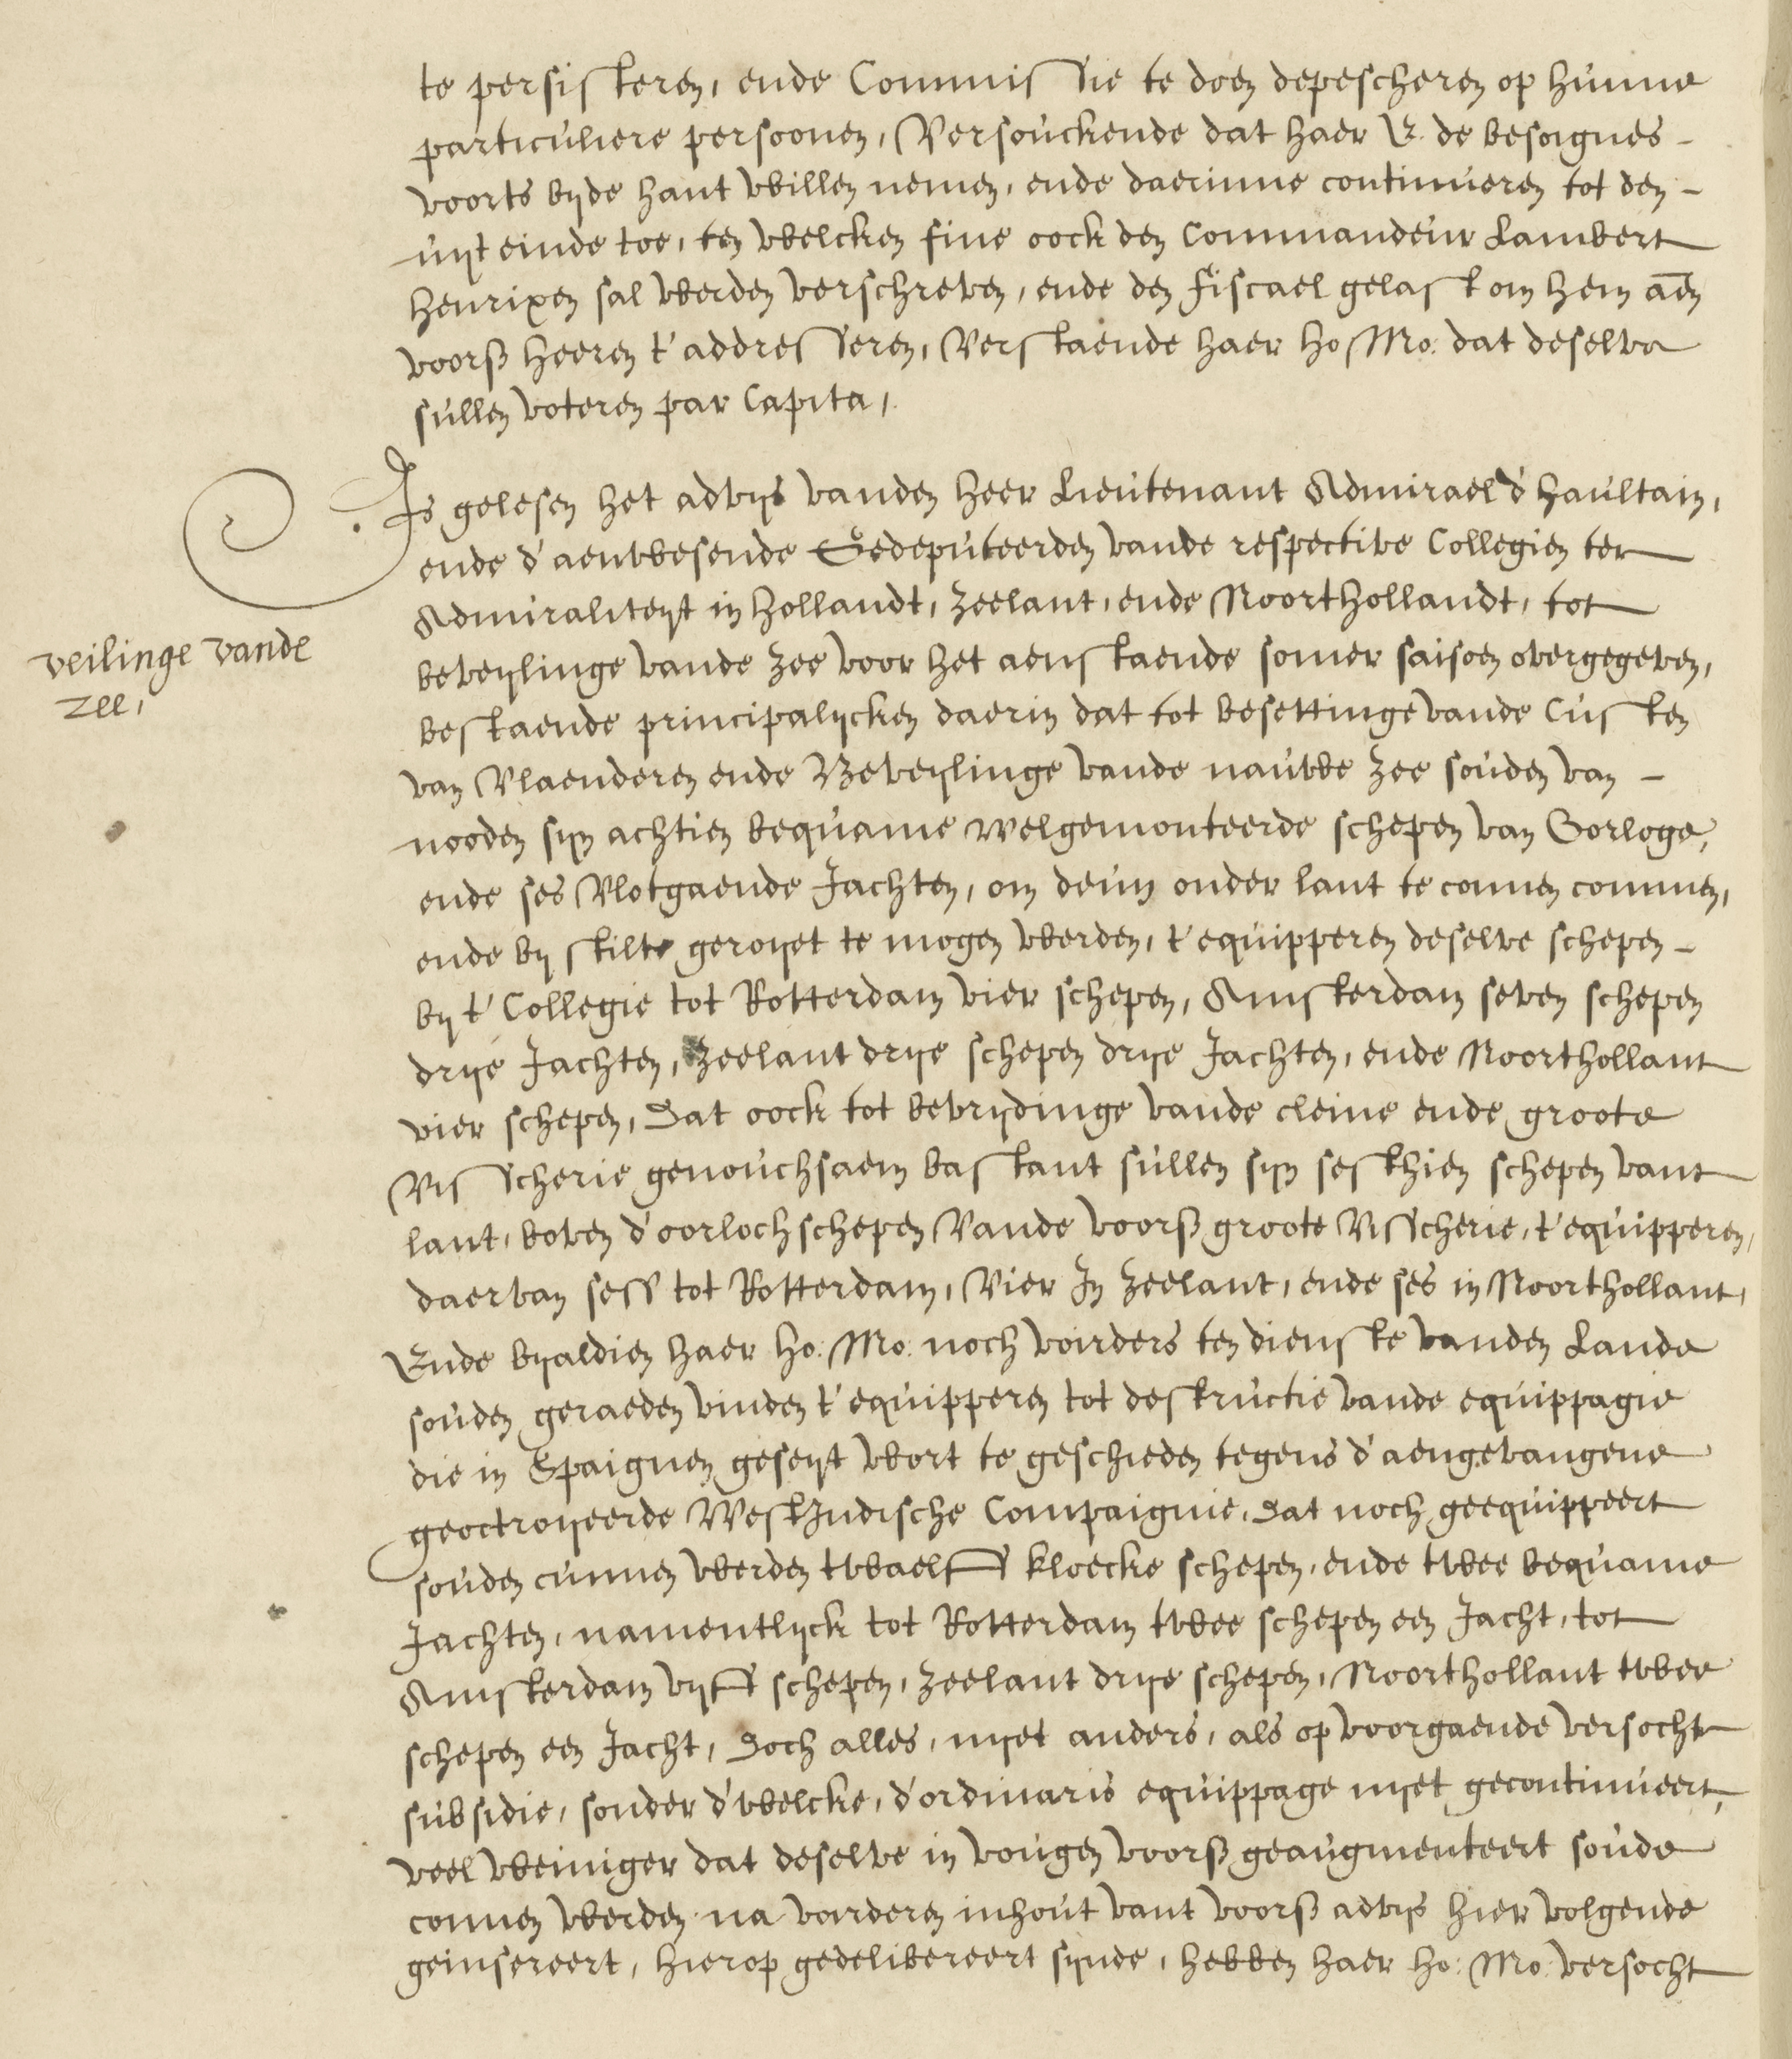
te persisteren, ende commissie te doen depescheren op hunne
particuliere persoonen. Versouckende dat haer E. de besoignes
voorts byde hant willen nemen, ende daerinne continueren tot den
uyt einde toe, ten welcken fine oock den commandeur Lambert
Henrixen sal werden verschreven, ende den fiscael gelast om hem aen
voors heeren t'addresseren, verstaende haer Ho:Mo: dat deselve
sullen voteren par capita.
veilinge vande
zee.
Is gelesen het advys vanden heer Lieutenant Admirael d'haultain,
ende d'aenwesende Gedeputeerden vande respective Collegien ter
Admiraliteyt in Hollandt, Zeelant ende Noorthollandt, tot
beveylinge vande zee voor het aenstaende somer saison overgegeven,
bestaende principalycken daerin dat tot besettinge vande custen
van Vlaenderen ende Beveylinge vande nauwe zee souden van -
nooden syn achtien bequame welgemonteerde schepen van Oorloge
ende ses Vlotgaende Jachten, om deun onder lant te connen commen,
ende bij stilte geroyet te mogen werden, t'equipperen deselve schepen -
by t'Collegie tot Rotterdam vier schepen, Amsterdam seven schepen
drye Jachten, Zeelant drye schepen drye Jachten, ende Noorthollant
vier schepen. Dat oock tot bevrydinge vande cleine ende groote
visscherie genouchsaem bastant sullen syn sesthien schepen vant
lant, boven d'oorlochschepen Vande voors groote visscherie, t'equipperen
daervan sess tot Rotterdam, Vier in zeelant, ende ses in Noorthollant.
Ende byaldien haer Ho:Mo: noch voirders ten dienste vanden Lande
souden geraeden vinden t'equipperen tot destructie vande equippagie
die in Spaignen geseyt wort te geschieden tegens d'aengevangene
geoctroyeerde WestIndische Compaignie, dat noch geequippeert
souden cunnen werden twaelff kloecke schepen, ende twee bequame
Jachten, namentlyck tot Rotterdam twee schepen een Jacht, tot
Amsterdam vyff schepen, Zeelant drye schepen, Noorthollant twee
schepen een Jacht. Doch alles, nyet anders, als op voorgaende versocht
subsidie, sonder d'welcke, d'ordinaris equippage nyet gecontinueert,
veel weiniger dat deselve in vougen voors geaugmenteert soude
connen worden na vordere inhout vant voors advys hier volgende
geinsereert, hierop gedelibereert synde, hebben haer Ho:Mo: versocht
